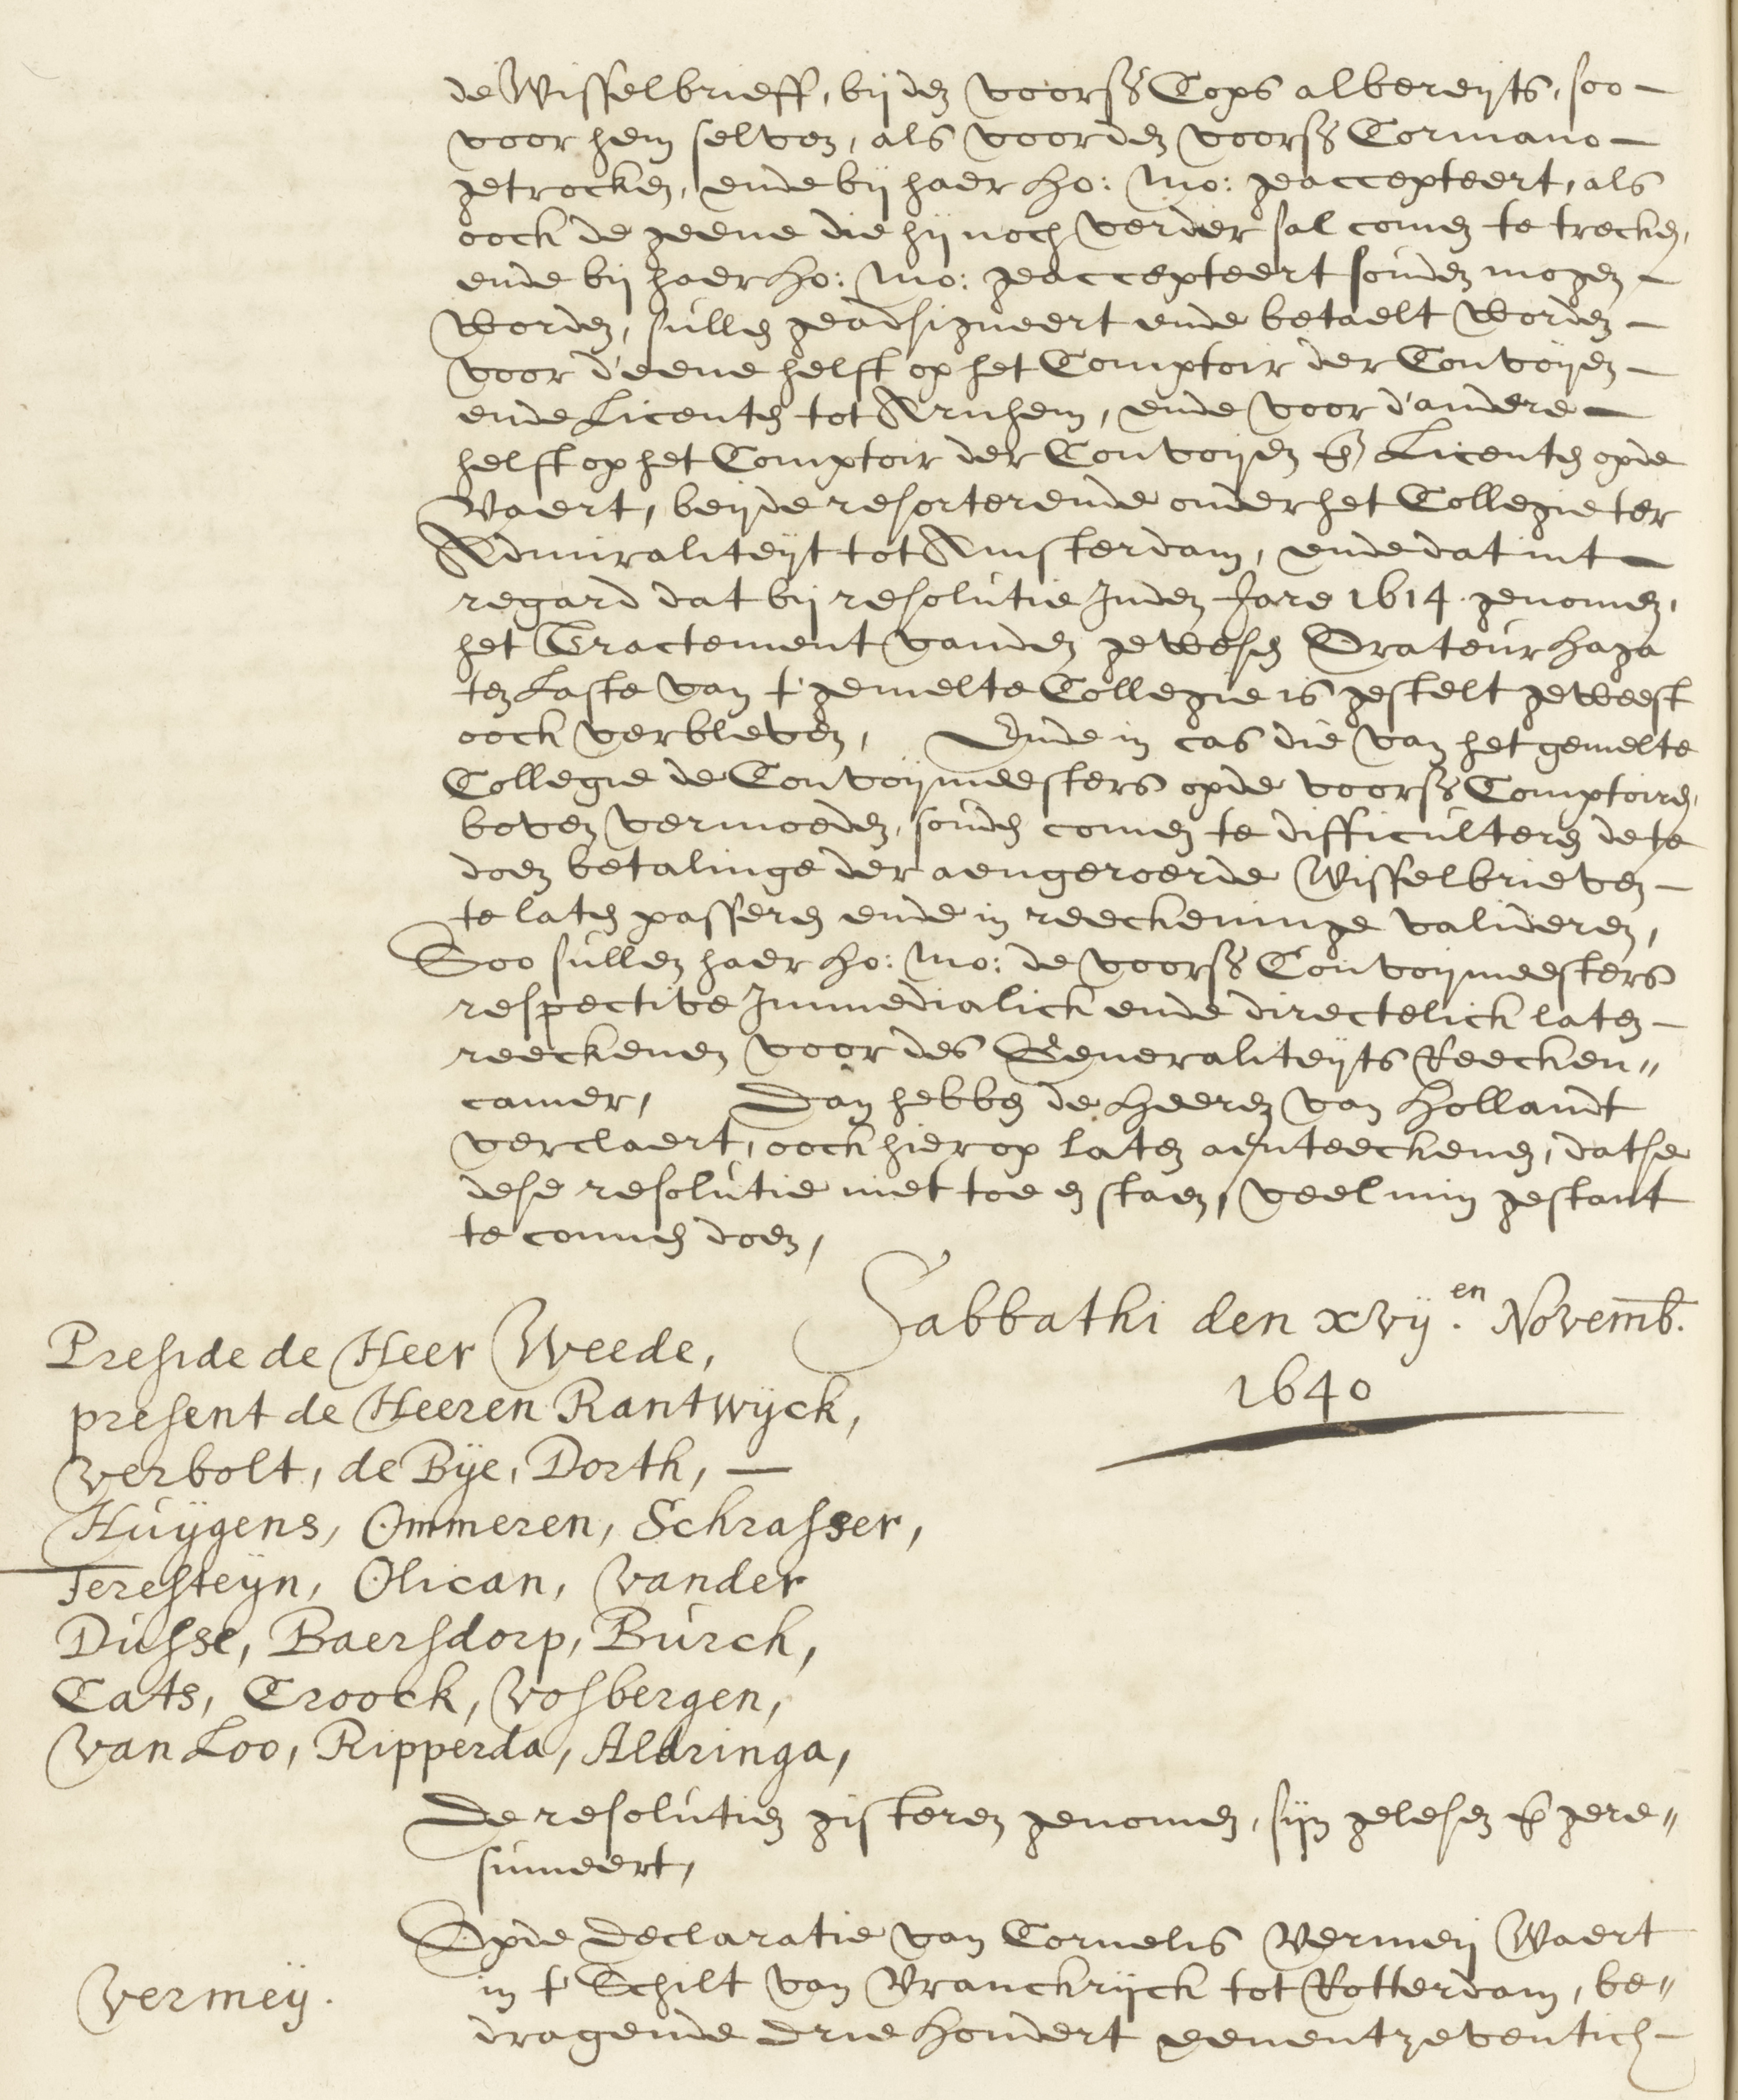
de Wisselbrieff, bij den voors Cops albereijts, soo -
voor hem selven, als voorden voors Cormano-
getrocken, ende bij haer Ho:Mo: geaccepteert, als
oock de geene die hij noch verder sal comen te trecken,
ende bij haer Ho:Mo: geaccepteert souden mogen-
worden, sullen geadsigneert ende betaelt worden-
voor d‛eene helft op het Comptoir der Convoijen
ende Licenten tot Arnhem, ende voor d'andere —
helft op het Comptoir der Convoijen & Licenten opde
Vaert, beijde resorterende onder het Collegie ter
Admiraliteijt tot Amsterdam, ende dat int
regard dat bij resolutie Inden Jare 1614 genomen,
het Tractement vanden gewesen Orateur Haga
ten Laste van t'gemelte Collegie is gestelt geweest
oock verbleven. Ende in cas die van het gemelte
Collegie de Convoijmeesters opde voors Comptoiren,
boven vermoeden, souden comen te difficulteren de te
doen betalinge der aengeroerde Wisselbrieven —
te laten passeren ende in reeckeninge valideren,
Soo sullen haer Ho:Mo: de voors Convoijmeesters
respective Immedialick ende directelick laten
reeckenen voor des Generaliteijts Reecken„
camer. Dan hebben de Heeren van Hollandt
verclaert, oock hierop laten aenteeckenen, datse
dese resolutie niet toe en staen, veel min gestant
te connen doen.
Sabbathi den xvijen. Novemb.
1640
Preside de Heer Weede,
present de Heeren Rantwijck,
Verbolt, de Bije, Dorth,
Huijgens, Ommeren, Schrasser,
Teresteijn, Olican, vander
Dusse, Baersdorp, Burch,
Cats, Croock, Vosbergen.
van Loo, Ripperda, Aldringa,
De resolutien gisteren genomen, sijn gelesen & gere„
sumeert.
Vermeij.
Opde declaratie van Cornelis Vermeij Waert
in t'Schilt van Vranckrijck tot Rotterdam, be„
dragende drie hondert eenentzeventich
